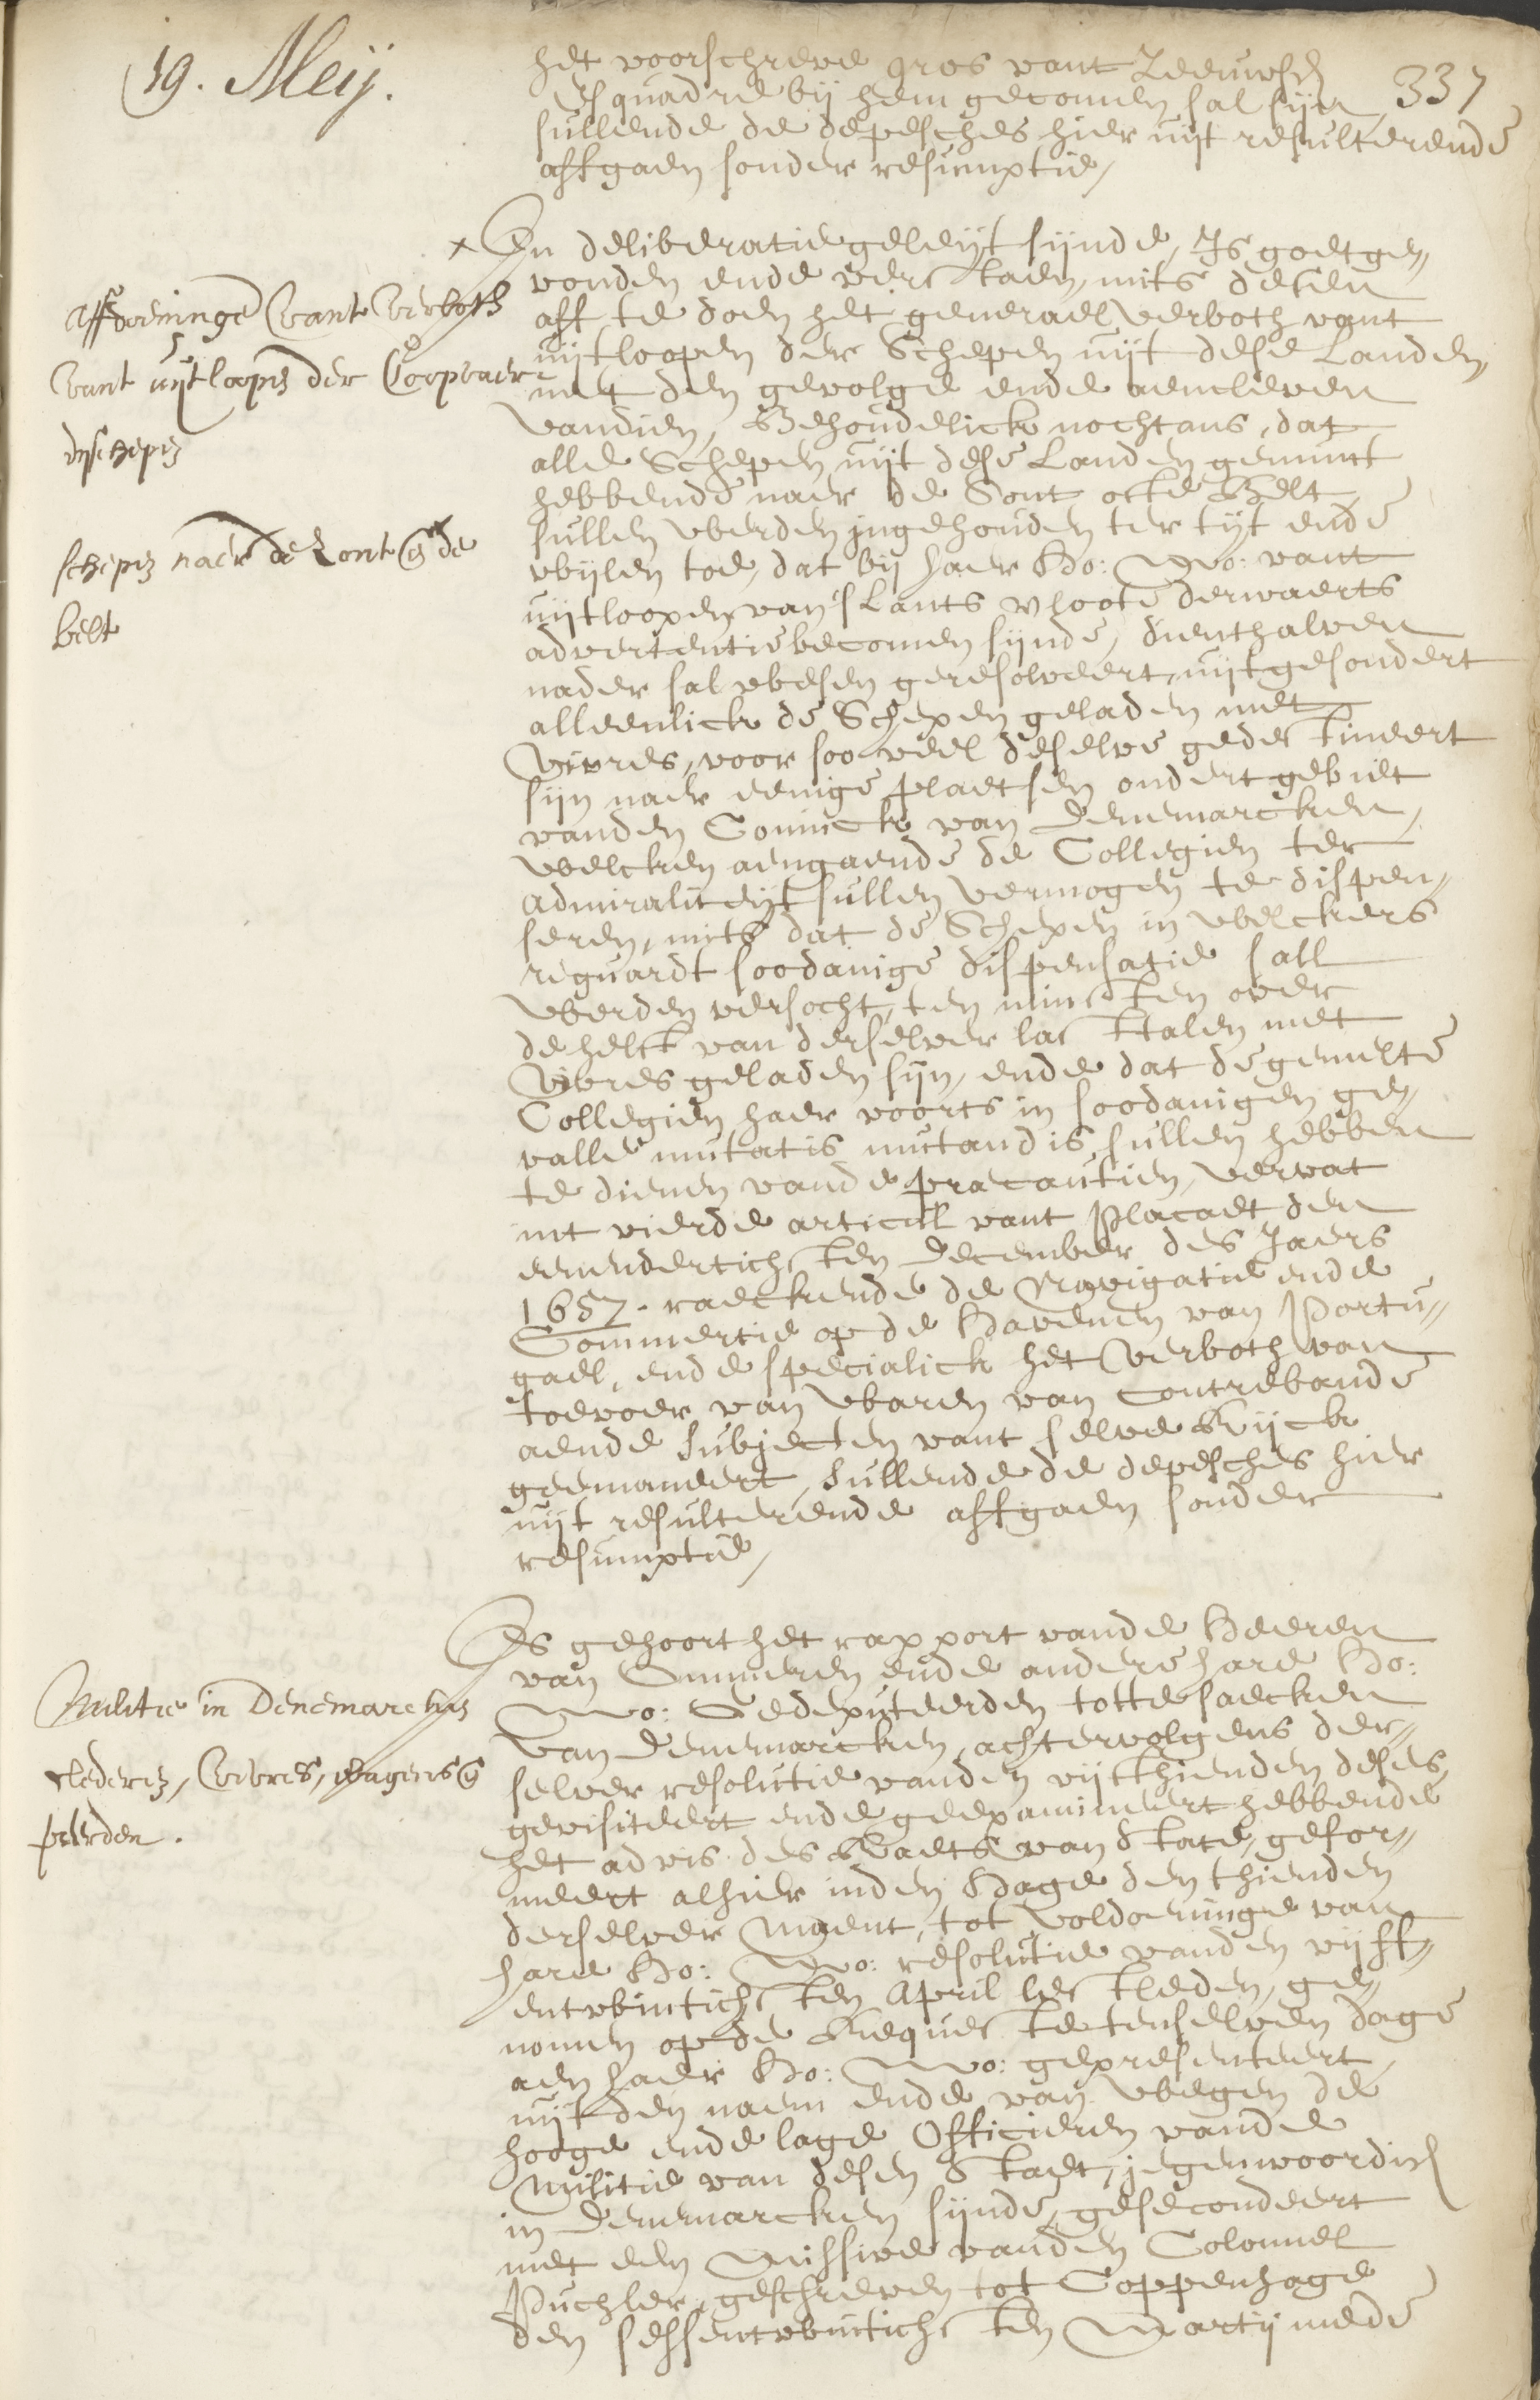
337
19. Meij.
het voorschreve gros vant Zeeuwsch
Esquadre bij hem gecomen sal sijn,
sullende de depesches hier uijt resulterende
affgaen sonder resumptie.
affdoeninge vant verboth
vant uijtloopen der Coopvaer„
dyschepen
schepen naer de Zont & de
Belt
In deliberatie geleijt sijnde, Is goetge„
vonden ende verstaen, mits desen
aff te doen het generael verboth vant
uijtloopen der Schepen uijt dese Landen,
met den gevolge ende aencleven
vandien, Behoudelick nochtans, dat
alle Schepen uijt dese Landen gemunt
hebbende naer de Sont ofte Belt,
sullen werden ingehouden ter tijt ende
wijlen toe, dat bij haer Ho:Mo: vant
uijtloopen van 's Lants vloote derwaerts
advertentie becomen sijnde, dienthalven
nader sal wesen geresolveert, uijtgesondert
alleenlick de Schepen geladen met
vivres, voor soo veel deselve gedestineert
sijn naer eenige plaetsen ondert gebiet
vanden Coninck van Denemarcken,
welcken aengaende de Collegien ter
Admiraliteijt sullen vermogen te dispen„
seren, mits dat de Schepen in welckers
reguardt soodanige dispensatie sall
werden versocht, ten minsten over
de helft van derselver lasttalen met
vivres geladen sijn, ende dat de gemelte
Collegien haer voorts in soodanigen ge„
valle mutatis mutandis sullen hebben
te dienen vande præcautien, vervat
int vierde articul vant placaet den
eenendertichsten December des Jaers
1657. raeckende de Navigatie ende
Commertie op de Havenen van Portu„
gael, ende specialick het verboth van
toevoer van waren van contrebande
aende subjecten vant selve Rijck
geemaneert, sullende de depesches hier
uijt resulterende affgaen sonder
resumptie.
Militie in Denemarcken
clederen, Vivres, wagens &
peerden.
Is gehoort het rapport vande Heeren
van Ommeren, ende andere hare Ho:
Mo: Gedeputeerden totte saecken
van Denemarcken, achtervolgens der„
selver resolutie vanden vijfthienden deses,
gevisiteert ende geexamineert hebbende
het advis des Raets van State, gefor„
meert alhier inden Hage den thienden
derselver Maent, tot voldoeninge van
hare Ho:Mo: resolutie vanden vijff„
entwintichsten April lestleden, ge„
nomen opde Requeste tenselven dage
aen haer Ho:Mo: gepresenteert,
uijt den naem ende van wegen de
hooge ende lage Officieren vande
militie van desen Staet, jegenwoordich
in Denemarcken sijnde, gesecondeert
met een Missive vanden Colonnel
Puchler, geschreven tot Coppenhage
den sessentwintichsten Martij mede
